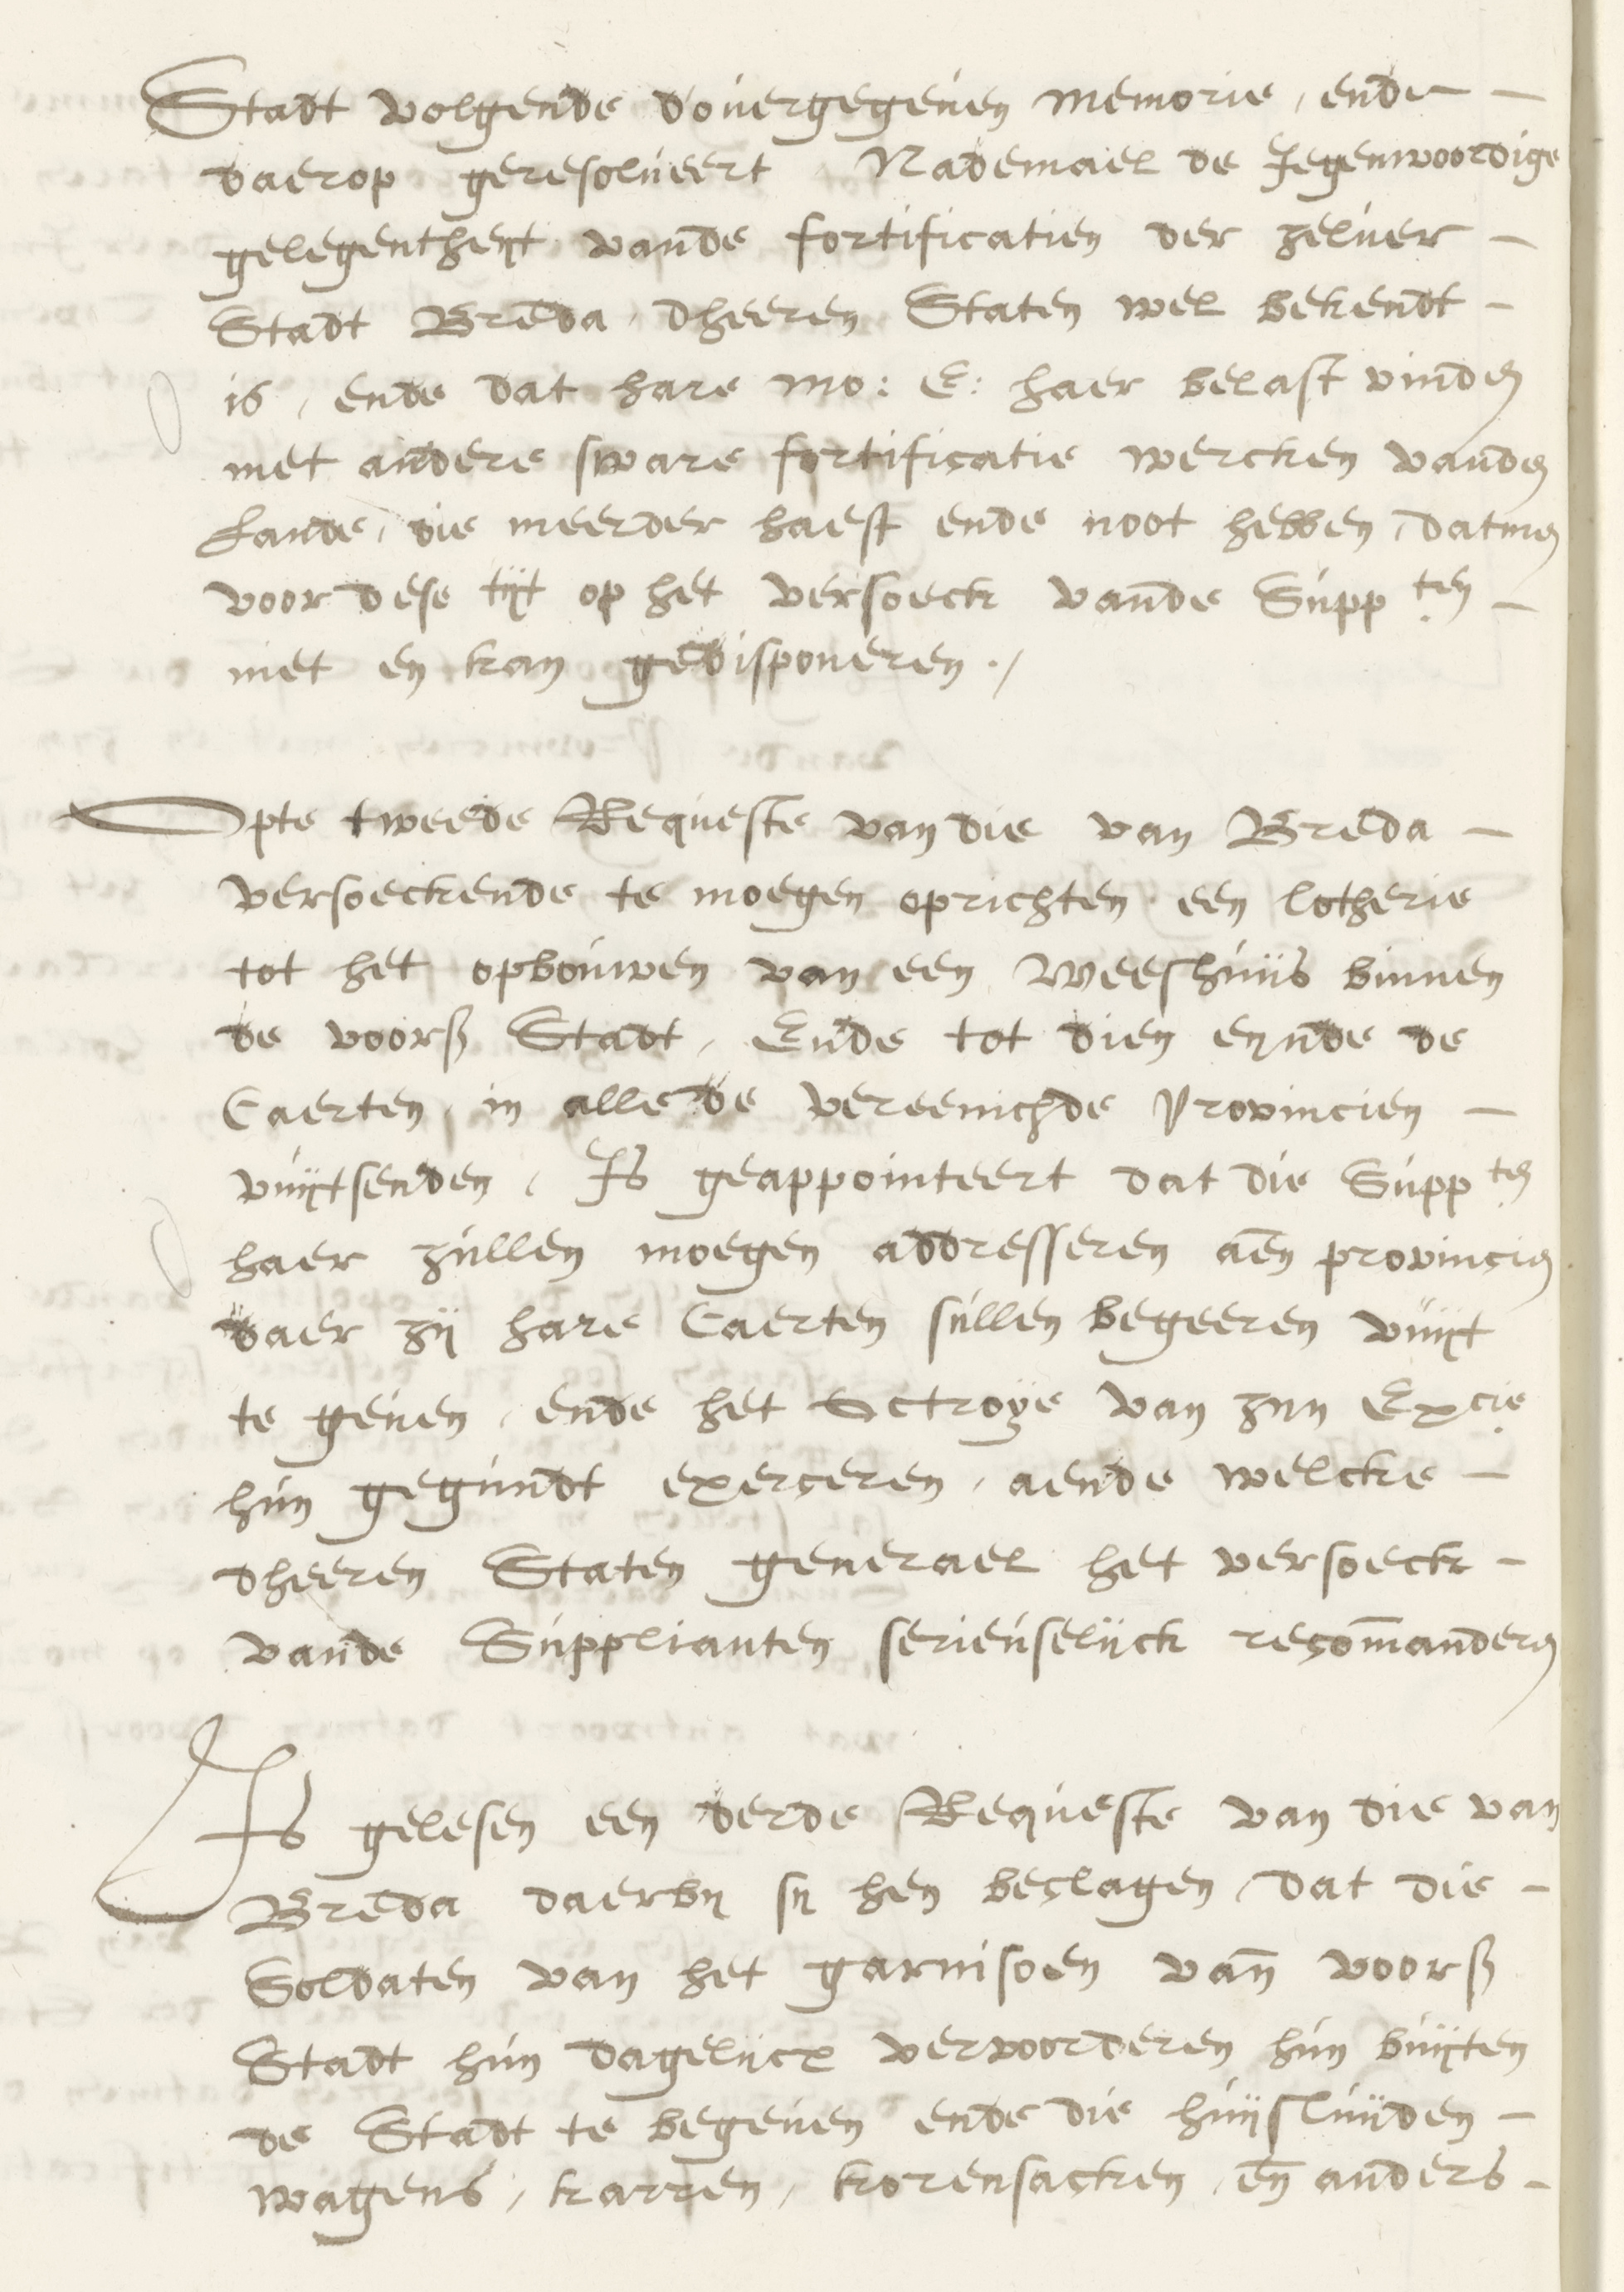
Stadt volgende d'ouergegeuen memorie, ende
daerop geresolueert, nademael de jegenwoordige
gelegentheyt, vande fortificatien der zeluer
Stadt Breda, d'heeren, Staten wel bekendt
is, ende dat hare Mo: E: haer belast vinden
met andere sware fortificatie wercken vanden
Lande, die meerder haest ende noot hebben, datmen
voor dese tijt op het versoeck vande Suppten.
niet en kan gedisponeren.
Opte tweede Requeste van die van Breda
versoeckende te moegen oprichten, een lotherie
tot het opbouwen van een weeshuijs binnen
de voors Stadt, Ende tot dien eynde de
Caerten, in alle de vereenichde provincien
vuijtsenden, Is geappointeert dat die Suppten
haer zullen moegen addresseren aen provincien
daer zij hare Caerten sullen begeeren vuijt
te geuen, ende het Octroije van hun Excie
hun gegundt exerteren, aende welcke
dheeren Staten generael het versoeck
vande Supplianten serieuselijck recomanderen
Is gelesen een derde Requeste van die van
Breda daerby sy hen beclagen, dat die
Soldaten van het garnisoen van voors
Stadt hun dagelijcx vervoorderen hun buijten
de Stadt te begeuen ende die huijsluijden
wagens, karren, korensacken, en anders
